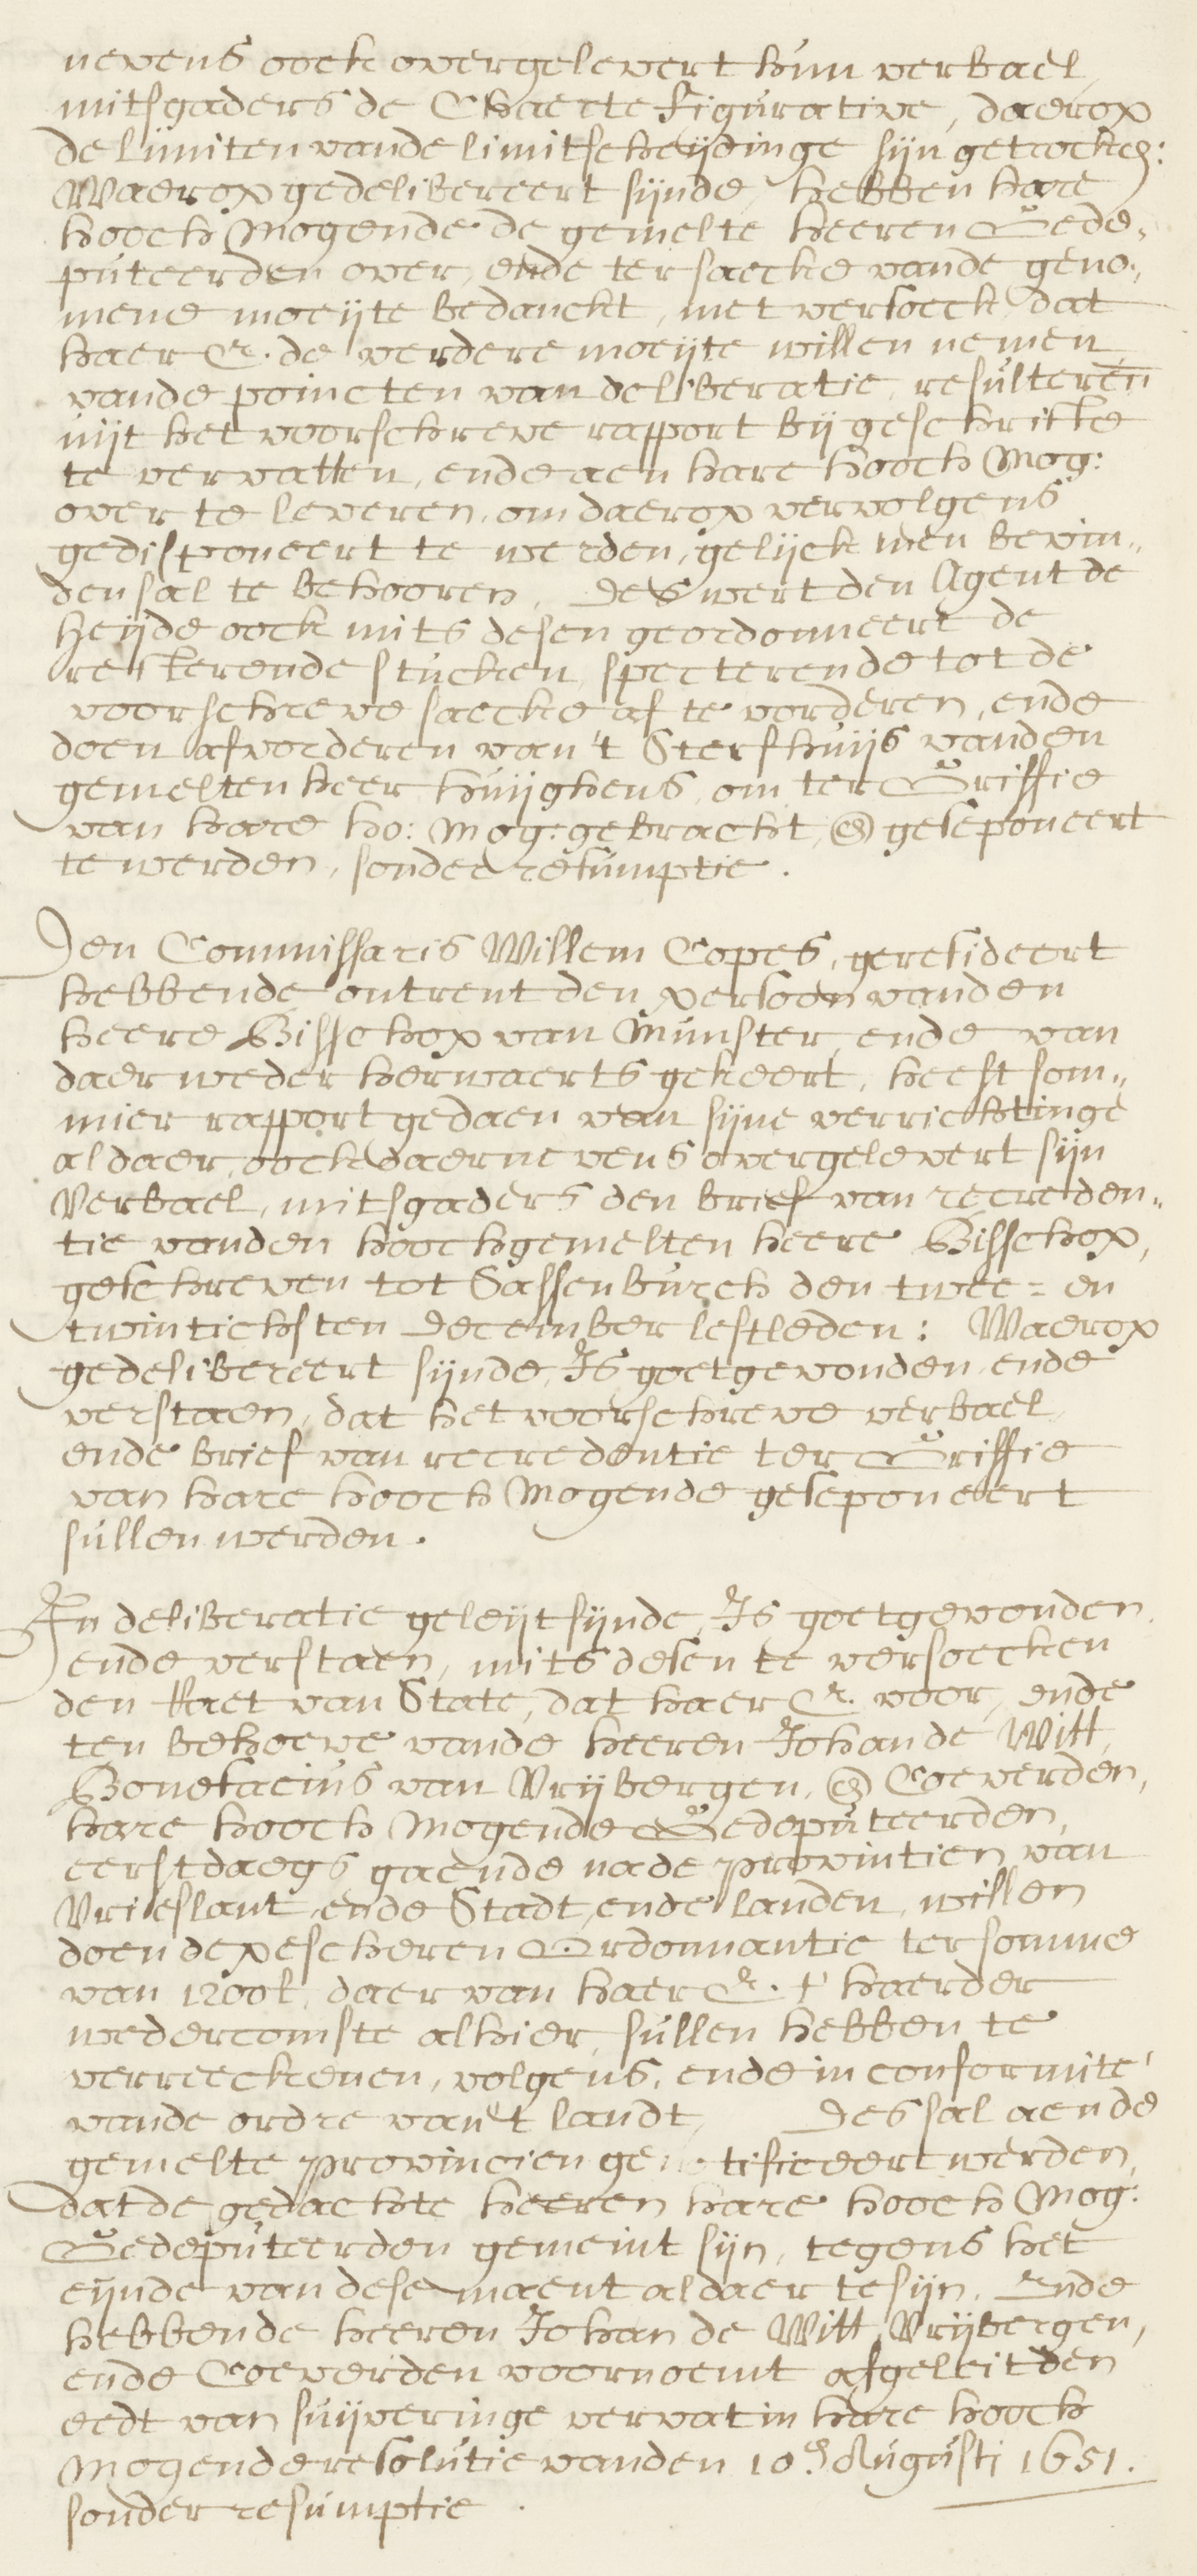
nevens oock overgelevert hun verbael
mitsgaders de Chaerte figurative, daerop
de limiten vande limitscheijdinge sijn getrocken:
Waerop gedelibereert sijnde, hebben hare
hooch mogende de gemelte heeren Gede,,
puteerden over, ende ter saecke vande geno,,
mene moeijte bedanckt, met versoeck, dat
haer E. de verdere moeijte willen nemen,
vande poincten van deliberatie resulteren
uijt het voorschreve rapport bij geschrifte
te vervatten, ende aen hare hooch mog:
over te leveren, om daerop vervolgens
gedisponeert te werden, gelijck men bevin,,
den sal te behooren. Des wert den Agent de
heijde oock mits desen geordonneert de
resterende stucken specterende tot de
voorschreve saecke af te vorderen, ende
doen afvorderen van 't Sterfhuijs vanden
gemelten heer huijghens, om ter Griffie
van hare ho:mog: gebracht & geseponeert
te werden, sonder resumptie.
Den Commissaris Willem Copes, geresideert
hebbende ontrent den persoon vanden
heere Bisschop van munster, ende van
daer weder herwaerts gekeert, heeft som,,
mier rapport gedaen van sijne verrichtinge
aldaer, oock daernevens overgelevert sijn
Verbael, mitsgaders den brief van recreden,,
tie van den hoochgemelten heere Bisschop,
geschreven tot Sassenburch den twee= en
twintichsten december lestleden: Waerop
gedelibereert sijnde, Is goetgevonden ende
verstaen, dat het voorschreve verbael
ende brief van recredentie ter Griffie
van hare hooch mogende geseponeert
sullen werden.
In deliberatie geleijt sijnde, Is goetgevonden
ende verstaen, mits desen te versoecken
den Raet van State, dat haer E. voor ende
ten behoeve vande heeren Johan de Witt,
Bonefacius van Vrijbergen, & Coeverden,
hare hooch mogende Gedeputeerden,
eerstdaegs gaende na de provintien van
Vrieslant ende Stadt, ende landen, willen
doen depescheren Ordonnantie ter somme
van 1200 L., daer van haer E. t'haerder
wedercomste alhier sullen hebben te
verreeckenen, volgens, ende in conformité
vande ordre van 't landt. Des sal aen de
gemelte provincien genotificeert werden,
dat de gedachte heeren hare hooch mog:
Gedeputeerden gemeint sijn, tegens het
eijnde van dese maent aldaer te sijn. Ende
hebben de heeren Johan de Witt, Vrijbergen,
ende Coeverden voornoemt afgeleit den
eedt van suijveringe vervat in hare hooch
mogende resolutie vanden 10en. Augusti 1651.
sonder resumptie.
